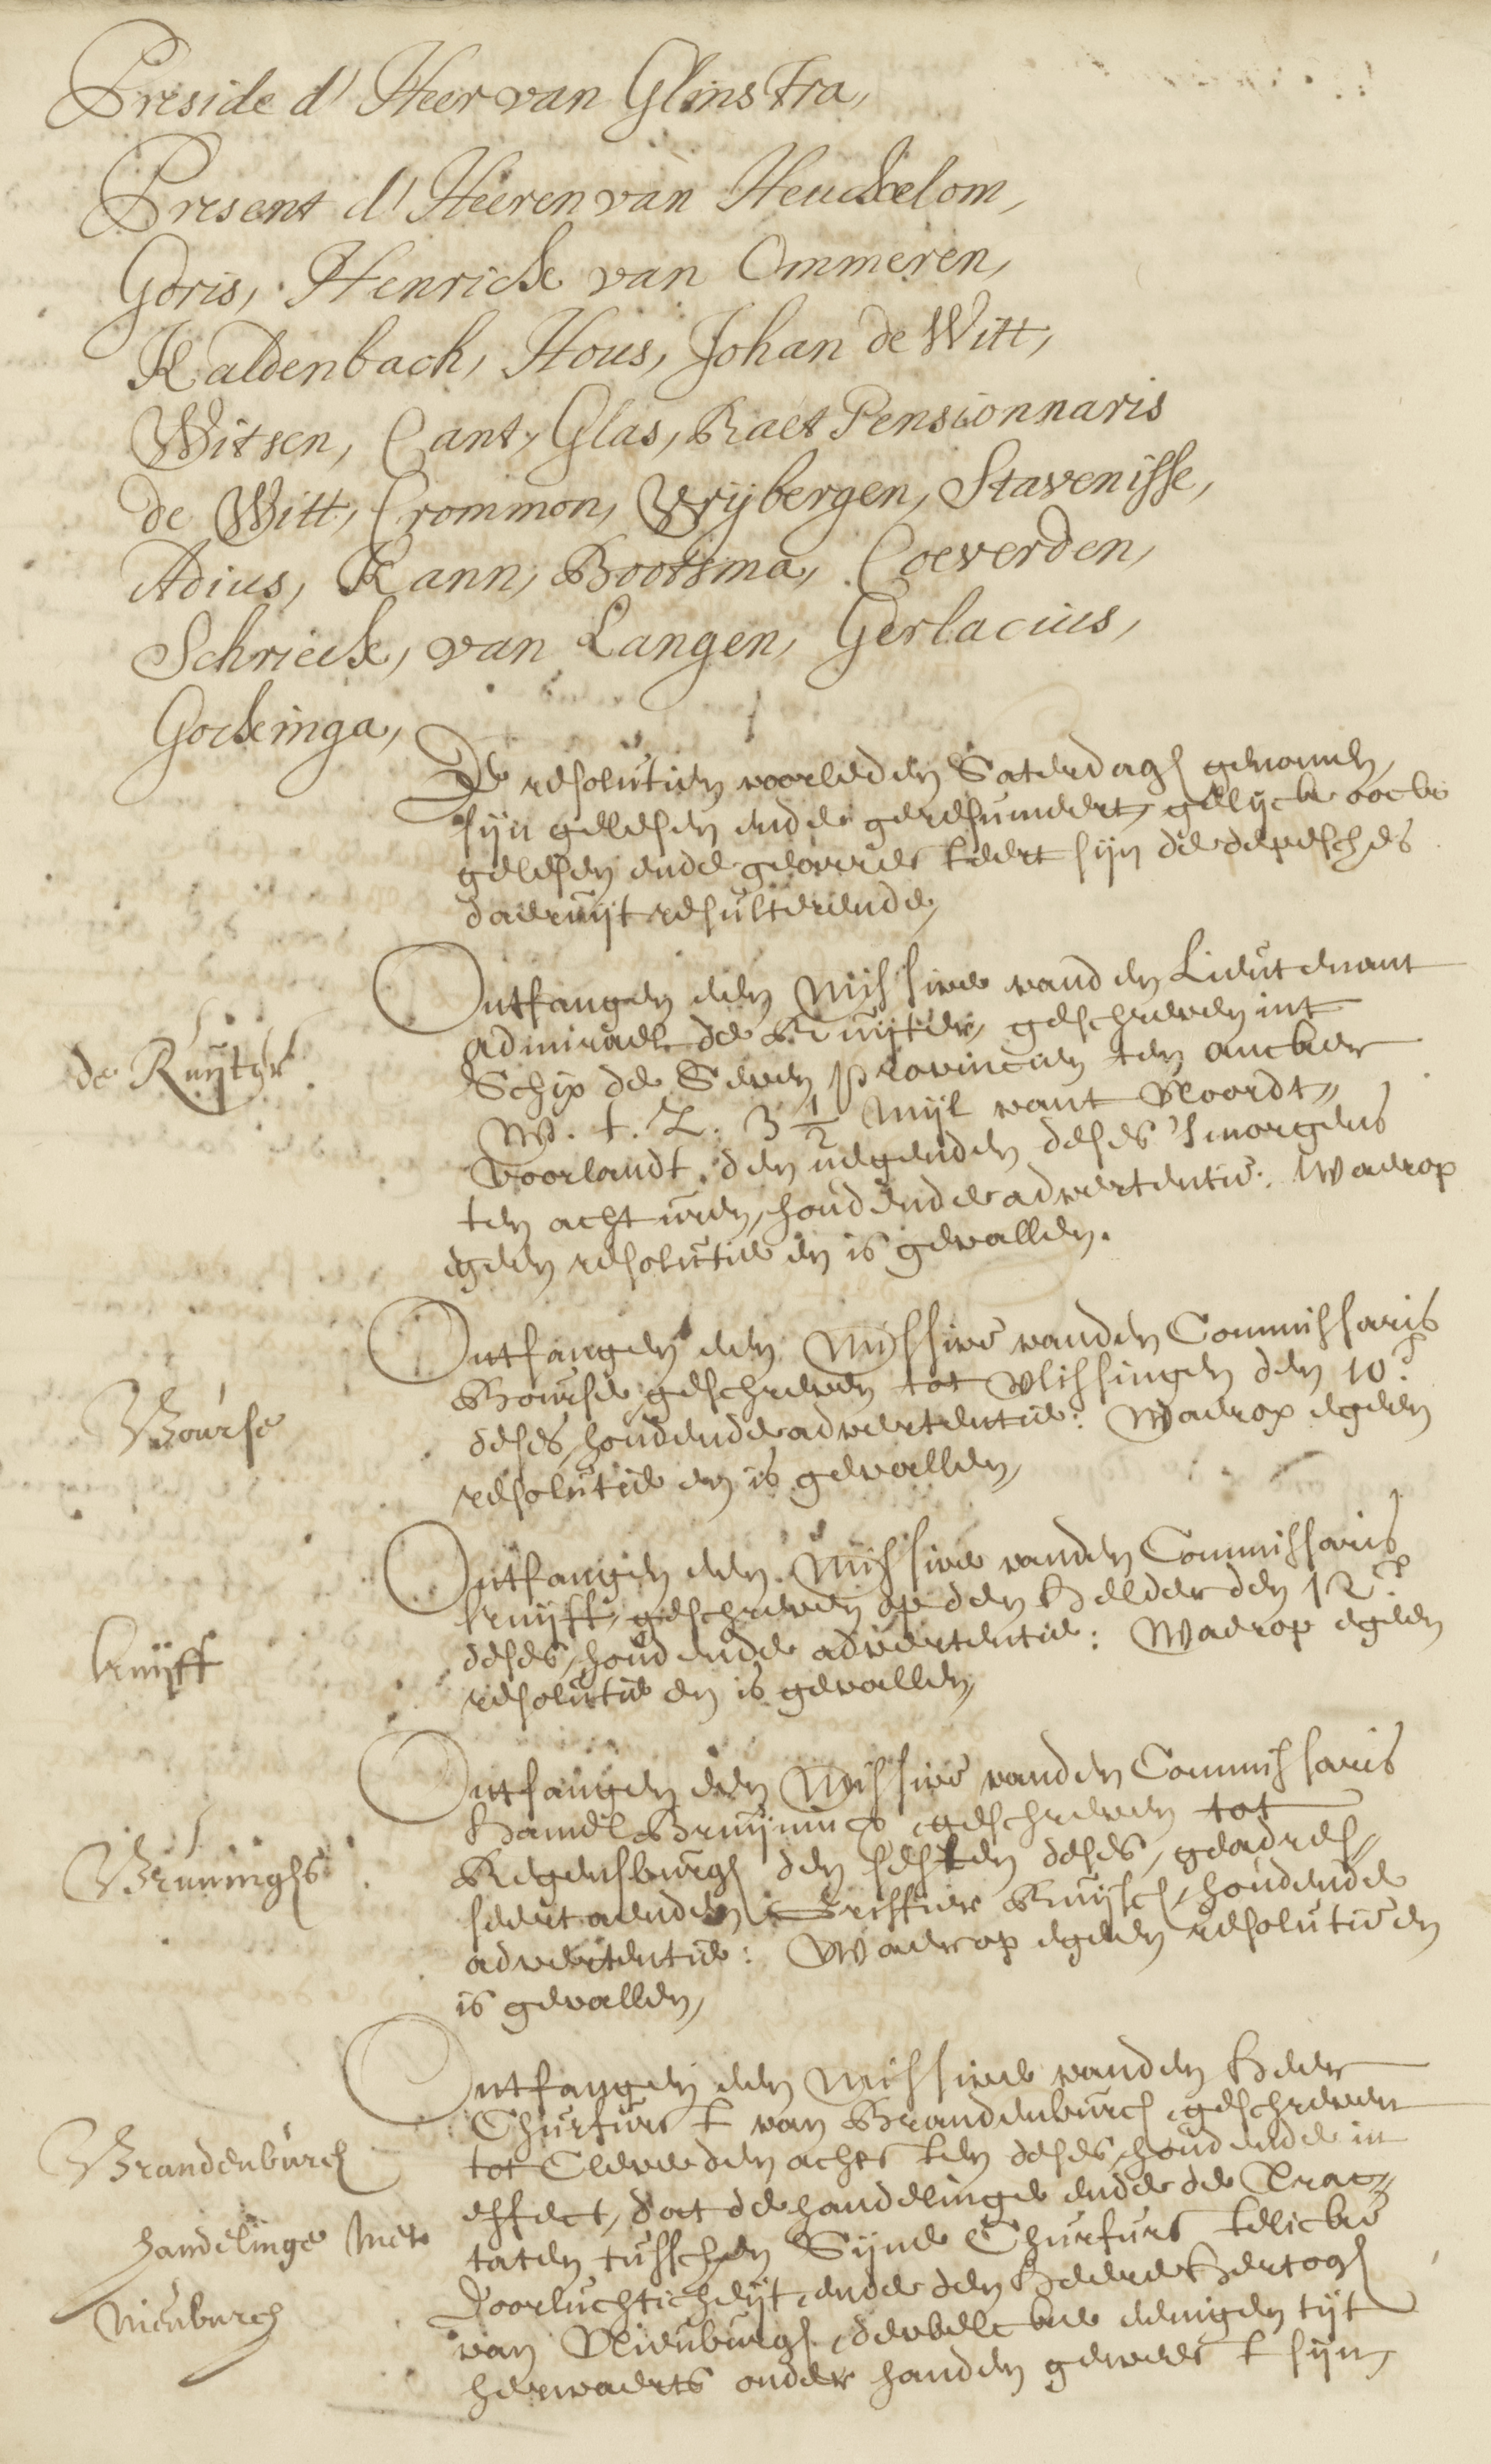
Preside d'Heer van Glinstra,
Present, d Heeren van Heuckelom,
Goris, Henrick van Ommeren,
Kaldenbach, Hous, Johan de Witt,
Witsen, Cant, Glas, Raet Pensionnaris
de Witt, Crommon, Vrijbergen, Stavenisse,
Adius, Kann, Bootsma, Coeverden,
Schrieck, van Langen, Gerlacius,
Gockinga.
De resolutien voorleden Saterdagh genomen,
sijn gelesen ende geresumeert, gelijck oock
gelesen ende gearresteert sijn de depesches
daeruijt resulterende.
de Ruijter
Ontfangen een Missive vanden Lieutenant
Admirael de Ruijter, geschreven int
Schip de Seven provincien ten ancker
Ms. t. Z. 3½ Mijl vant Noordt„
voorlandt, den negenden deses ‛smorgens
ten acht uren, houdende advertentie. Waerop
egeen resolutie en is gevallen.
Bourse
Ontfangen een Missive vanden Commissaris
Bourse, geschreven tot Vlissingen den 10en.
deses, houdende advertentie: Waerop egeen
resolutie en is gevallen.
knijff
Ontfangen een Missive vanden Commissaris
Knijff, geschreven op den Helder den 12en.
deses, houdende advertentie: Waerop egeen
resolutie en is gevallen.
Bruninghs
Ontfangen een Missive vanden Commissaris
Hamel Bruijnincx, geschreven tot
Regensburgh den sesten deses, geadres„
seert aenden Griffier Ruijsch, houdende
advertentie: Waerop egeen resolutie en
is gevallen.
Brandenburch
handelinge met
nieuburch
Ontfangen een Missive vanden Heer
Churfurst van Brandenburch, geschreven
tot Cleve den achtsten deses, houdende in
effect, dat de handelinge ende de Trac,
taten tusschen Sijne Churfurstelicke
Doorluchticheijt, ende den Heere Hertogh
van Nlieuburgh, dewelcke eenigen tijt
herwaerts onder handen geweest sijn,
